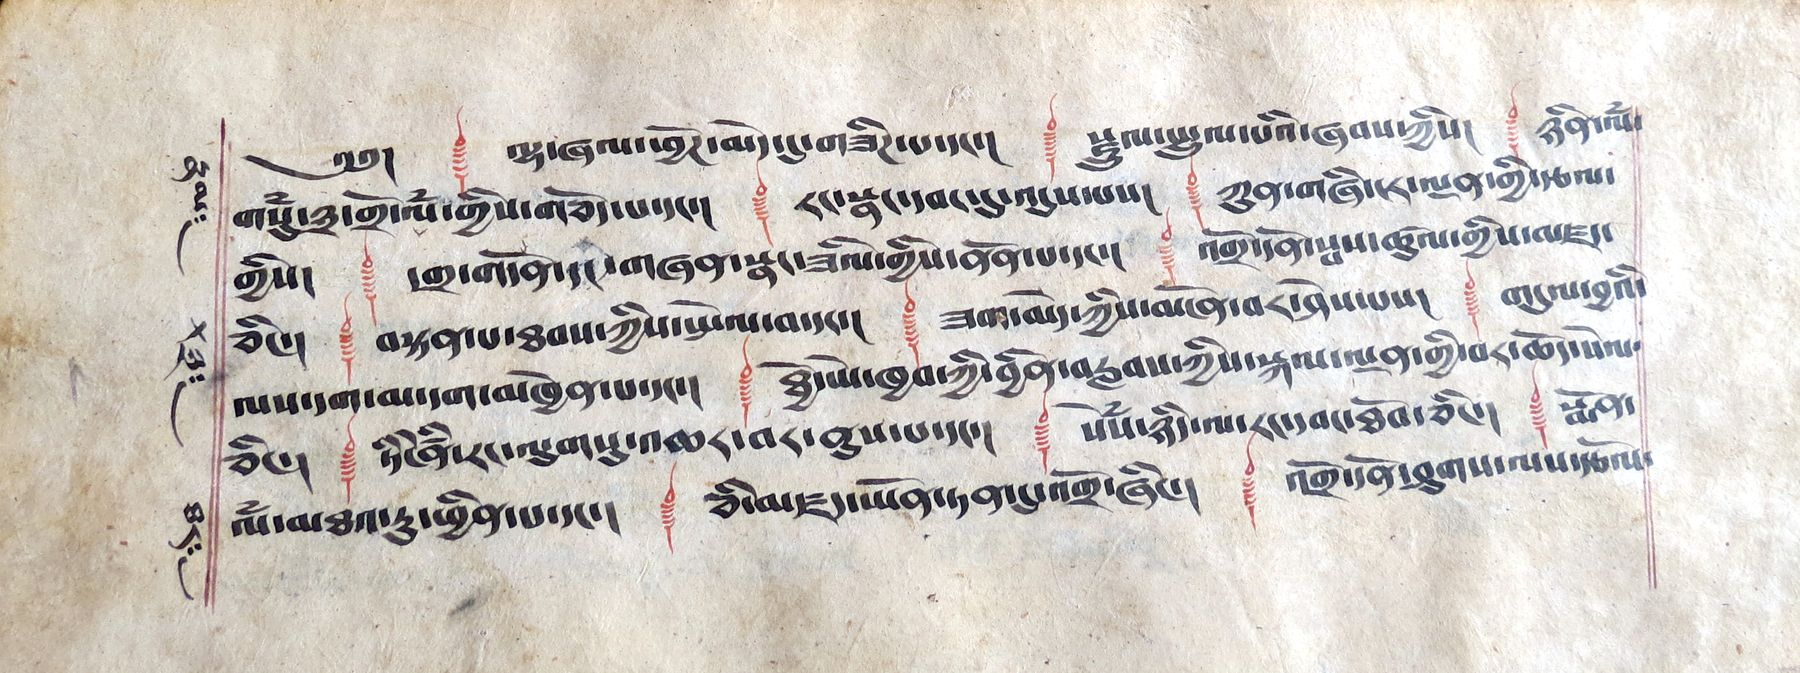ལྷ་ཞལ་ཕྱོགས་མེད་དུ་གཟིགས་པ་དང་། རྫུ་འཕྲུལ་སྤྲུལ་པའི་ཞབས་ཀྱིས་ཉིན་ལམ་
གསུམ་གསུམ་དྲོ་ལམ་གྱིས་གཅོད་པ་དང་། རང་སྣང་དབང་དུ་འདུས་པས་ཀུན་གཞི་ངར་ལྡན་གྱི་རྩལ་
གྱིས། དགྲ་གདོན་དང་གཞན་སྣང་ཟིལ་གྱིས་ནོན་པ་དང་། འགྲོ་དོན་སྦས་ཚུལ་གྱིས་མཛད་
ཅིང་། བསྟན་པ་ཐབས་ཀྱིས་སྤེལ་བ་དང་། ཟག་མེད་ཀྱི་མངོན་པར་ཤེས་པས་གདུལ་བྱའི་
ལས་དག་མ་དག་མཁྱེན་པ་དང་། ཐུགས་རྗེ་ཡེ་ཁྱབ་ཀྱི་བྱིན་རླབས་ཀྱིས་སྐལ་ལྡན་གྱི་བར་ཆོད་སེལ་
ཞིང་། ཏིང་ངེ་འཛིན་རང་ལུགས་སུ་འཆར་བར་ནུས་པ་དང་། སེམས་ཉིད་ལ་རང་དབང་ཐོབ་ཅིང་སྨོན་
ལམ་མཐའ་རུ་ཕྱིན་པ་དག་ཅི་མཛད་ཡོན་ཏན་དུ་འགྲོ་དོན་ཤུགས་ལ་རྩོལ་